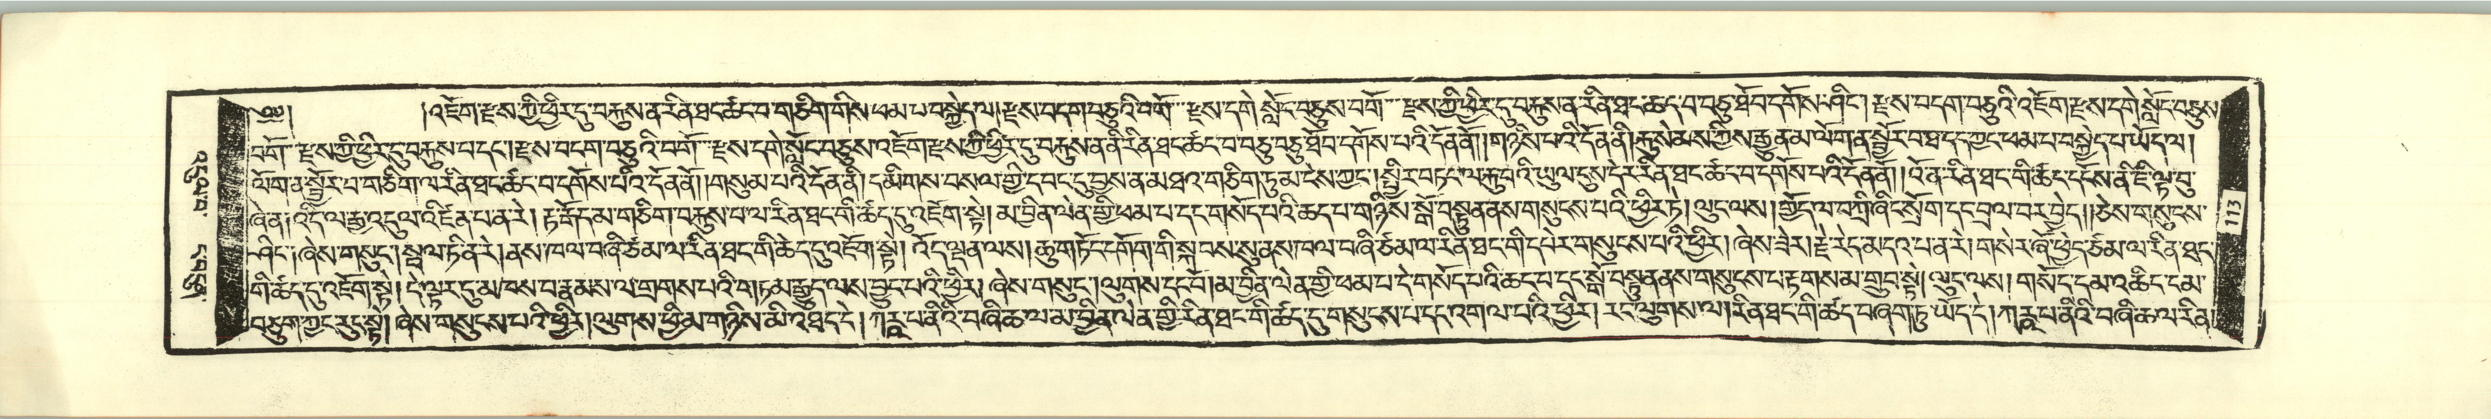༄༅། །འཇོག་རྫས་ཀྱི་ཕྱིར་དུ་བརྐུས་ན་རིན་ཐང་ཚང་བ་གཅིག་གིས་ཕམ་པ་བསྐྱེད་ལ། རྫས་བདག་བཅུའི་བགོ་རྫས་དགེ་སློང་བཅུས་བགོ་རྫས་ཀྱི་ཕྱིར་དུ་བརྐུས་ན་རིན་ཐང་ཆད་བ་བཅུ་ཐོབ་དགོས་ཤིང་། རྫས་བདག་བཅུའི་འཇོག་རྫས་དགེ་སློང་བཅུས་
བགོ་རྫས་ཀྱི་ཕྱིར་དུ་བརྐུས་པ་དང་། རྫས་བདག་བཅུའི་བགོ་རྫས་དགེ་སློང་བཅུས་འཇོག་རྫས་ཀྱི་ཕྱིར་དུ་བརྐུས་ན་ནི་རིན་ཐང་ཚང་བ་བཅུ་བཅུ་ཐོབ་དགོས་པའི་དོན་ནོ། །གཉིས་པའི་དོན་ནི། རྐུ་སེམས་ཀྱིས་རྒྱུན་མ་ལོག་ན་སྦྱོར་བ་ཐ་དད་ཀྱང་ཕམ་པ་བསྐྱེད་པ་ཡོད་ལ།
ལོག་ན་སྦྱོར་བ་གཅིག་ལ་རིན་ཐང་ཚང་བ་དགོས་པའི་དོན་ནོ། །གསུམ་པའི་དོན་ནི། དམིགས་བསལ་གྱི་དབང་དུ་བྱས་ན་མཐའ་གཅིག་ཏུ་མ་ངེས་ཀྱང་། སྤྱིར་བཏང་ལ་རྐུ་བའི་ཡུལ་དུས་དེར་རིན་ཐང་ཚང་བ་དགོས་པའི་དོན་ནོ། །འོ་ན་རིན་ཐང་གི་ཚང་དངོས་ནི་ཇི་ལྟ་བུ་
ཞེ་ན། འདི་ལ་རྒྱ་འདུལ་འཛིན་པ་ན་རེ། རྟ་རྒོད་མ་གཅིག་བརྐུས་པ་ལ་རིན་ཐང་གི་ཚད་དུ་འཇོག་སྟེ། མ་བྱིན་ལེན་གྱི་ཕམ་པ་དང་གསོད་པའི་ཆད་པ་གཉིས་སྒོ་བསྟུན་ནས་གསུངས་པའི་ཕྱིར་ཏེ། ལུང་ལས། གྱོད་ལ་བཀྲི་ཞིང་སྲོག་དང་བྲལ་བར་བྱེད། །ཅེས་གསུངས་
ཤིང༑ ཞེས་གསུང་། སྦལ་ཏི་ན་རེ། ནས་ཁལ་བཞི་ཙམ་ལ་རིན་ཐང་གི་ཆེད་དུ་འཇོག་སྟེ། འོད་ལྡན་ལས། ཆུ་གཏོང་དགོག་གི་སྐབས་སུ་ནས་ཁལ་བཞི་ཙམ་ལ་རིན་ཐང་གི་དཔེར་གསུངས་པའི་ཕྱིར། ཞེས་ཟེར། རྗེ་རེད་མདའ་པ་ན་རེ། གསེར་ཞོ་ཕྱེད་ཙམ་ལ་རིན་ཐང་
གི་ཚད་དུ་འཇོག་སྟེ། དེ་ལྟར་དུ་མཁས་པ་རྣམས་ལ་གྲགས་པའི་གཏམ་རྒྱུད་ལས་བྱུང་པའི་ཕྱིར། ཞེས་གསུང་། ལུགས་དང་པོ། མ་བྱིན་ལེན་གྱི་ཕམ་པ་དེ་གསོད་པའི་ཆང་པ་དང་སྒོ་བསྟུན་ནས་གསུངས་པ་རྟགས་མ་གྲུབ་སྟེ། ལུང་ལས། གསོད་དམ་འཆིང་ངམ་
བཅུག་ཀྱང་རུང་སྟེ། ཞེས་གསུངས་པའི་ཕྱིར། ལུགས་ཕྱི་མ་གཉིས་མི་འཐད་དེ། ཀརྵ་པ་ནིའི་བཞི་ཆ་ལ་མ་བྱིན་ལེན་གྱི་རིན་ཐང་གི་ཚད་དུ་གསུངས་པ་དང་འགལ་པའི་ཕྱིར། རང་ལུགས་ལ། རིན་ཐང་གི་ཚད་བཞག་ཏུ་ཡོད་དེ། ཀརྵ་པ་ནིའི་བཞི་ཆ་ལ་རིན་